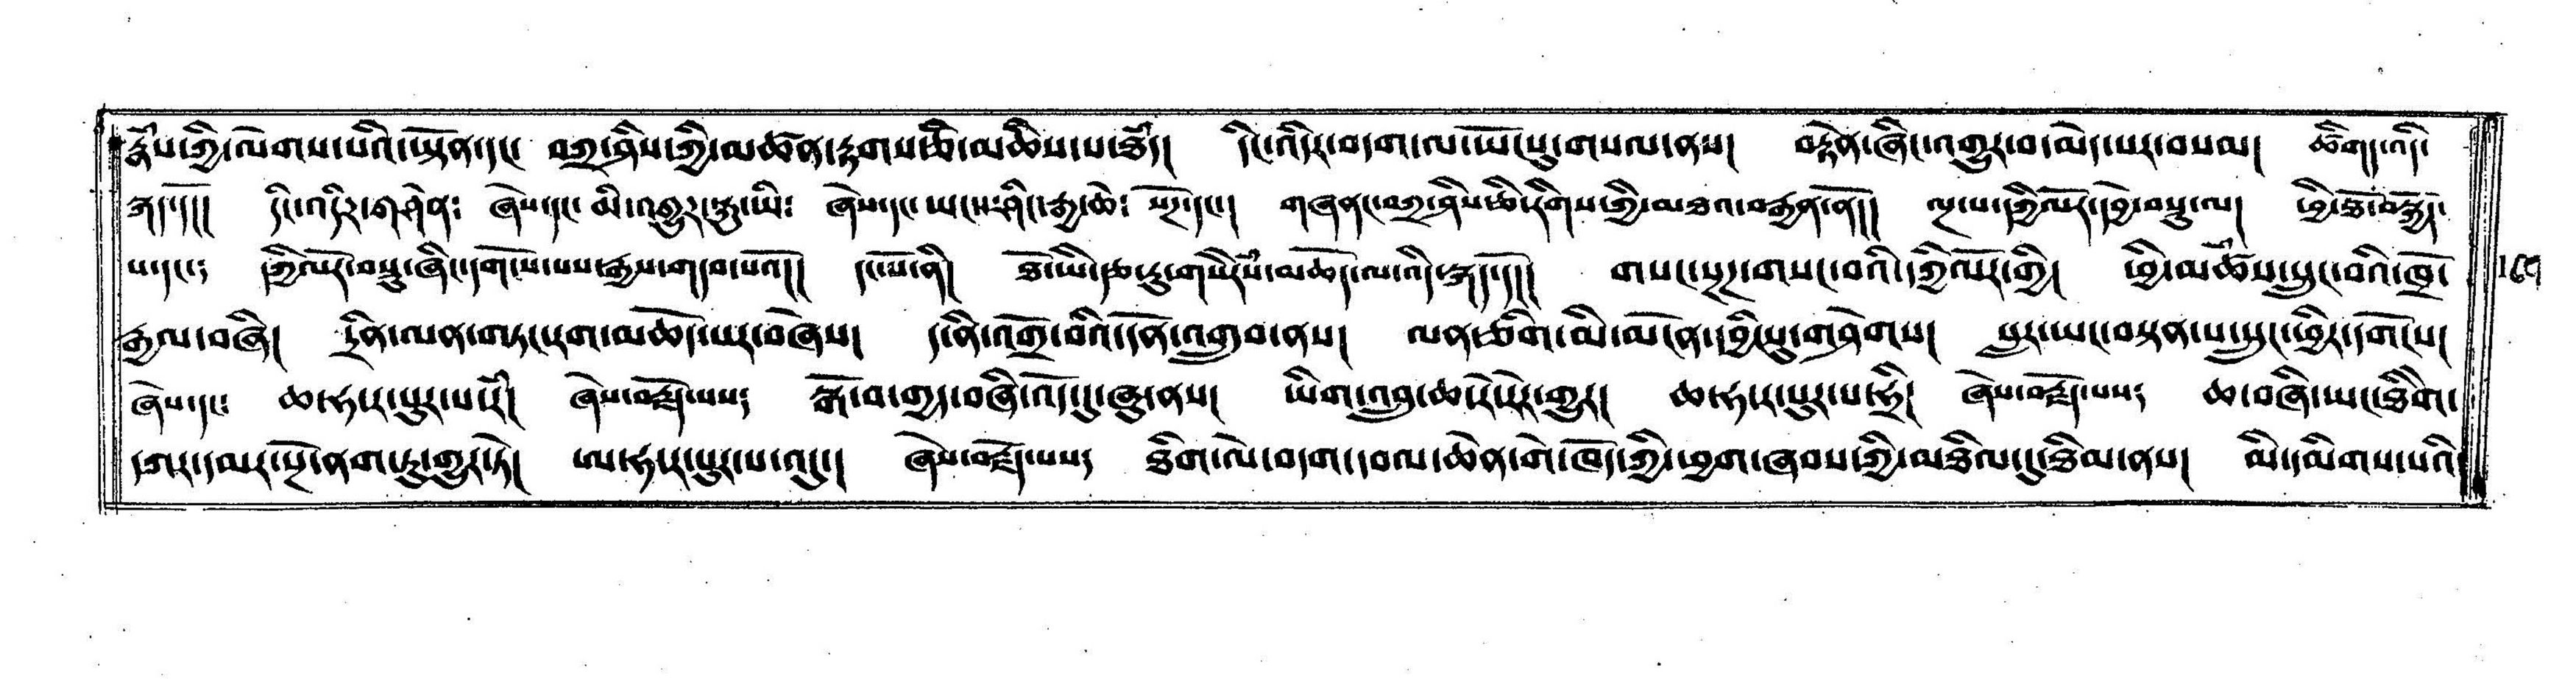རྣམས་ཀྱི་ལེགས་པའི་ཡོན་ཏན་དང་། བཀྲ་ཤིས་ཀྱི་མཚན་རྟགས་ཅི་མཆིས་པ་ཐམས་ཅད། དིང་འདིར་བདག་ལ་ཡོངས་སུ་གསལ་ནས། བརྟེན་ཞིང་འགྱུར་བ་མེད་པར་བསམ། ཚིག་བཤད་འདི་
སྐད་དོ།། དིང་འདིར་གཤེན༴ ཞེས་དང་མི་འགྱུར་སྐུ་ཡི༴ ཞེས་དང་ཡངས་ཤིང་རྒྱ་ཆེ༴ སོགས་དང་། གཞན་ཡང་བཀྲ་ཤིས་ཅི་རིགས་ཀྱི་མཐའ་བརྒྱན་ནོ།། ལྔ་པ་དཀྱིལ་འཁོར་དབྱེ་བསྡུ་ལ། ཕྱི་ཐོ་བསྐྱོད་
པ་དང་། དཀྱིལ་འཁོར་བསྡུ་ཞིང་དགོངས་པས་རྒྱས་གདབ་པའོ།། དང་པོ་ནི། ཐོ་ཡི་རྩ་རུ་གསེར་སྐྱེམས་མཆོད་ལ་འདི་སྐད་དོ།། གསང་སྔགས་གསང་བའི་དཀྱིལ་འཁོར་གྱི། ཕྱི་མཚམས་སྲུང་བའི་ཁྲོ་
རྒྱལ་བཞི། དྲིན་ལན་གཏང་རག་མཆོད་པར་བཞེས། ད་ནི་འགྲོ་བའི་དོན་འགྲུབ་ནས། ལན་ཅིག་མི་མངོན་དབྱིངས་སུ་གཤེགས། སླར་ཡང་བསྟན་པ་སྲུང་ཕྱིར་དགོངས། 
ཞེས་དང་ཆ་ཧ་ར་པུར་པ་རཾ། ཞེས་བརྗོད་པས། སྒོ་བ་གྱད་བཞི་འོད་དུ་ཞུ་ནས། ཡིག་འབྲུ་ཆ་རེ་རེར་གྱུར། ཆ་ཧ་ར་པུར་པ་ཧྲི། ཞེས་བརྗོད་པས། ཆ་བཞི་ཡང་ཐིག་ལེ་
དཀར་དམར་སྔོ་ནག་ཏུ་གྱུར་ཏེ། ཨ་ཧ་ར་པུར་པ་འདུ། ཞེས་བརྗོད་པས། ཐིག་ལེ་བདག་དབལ་ཆེན་གེ་ཁོད་ཀྱི་ཕྱག་ཞབས་ཀྱི་མཐིལ་དུ་ཐིམ་ནས། མི་དམིགས་པའི་